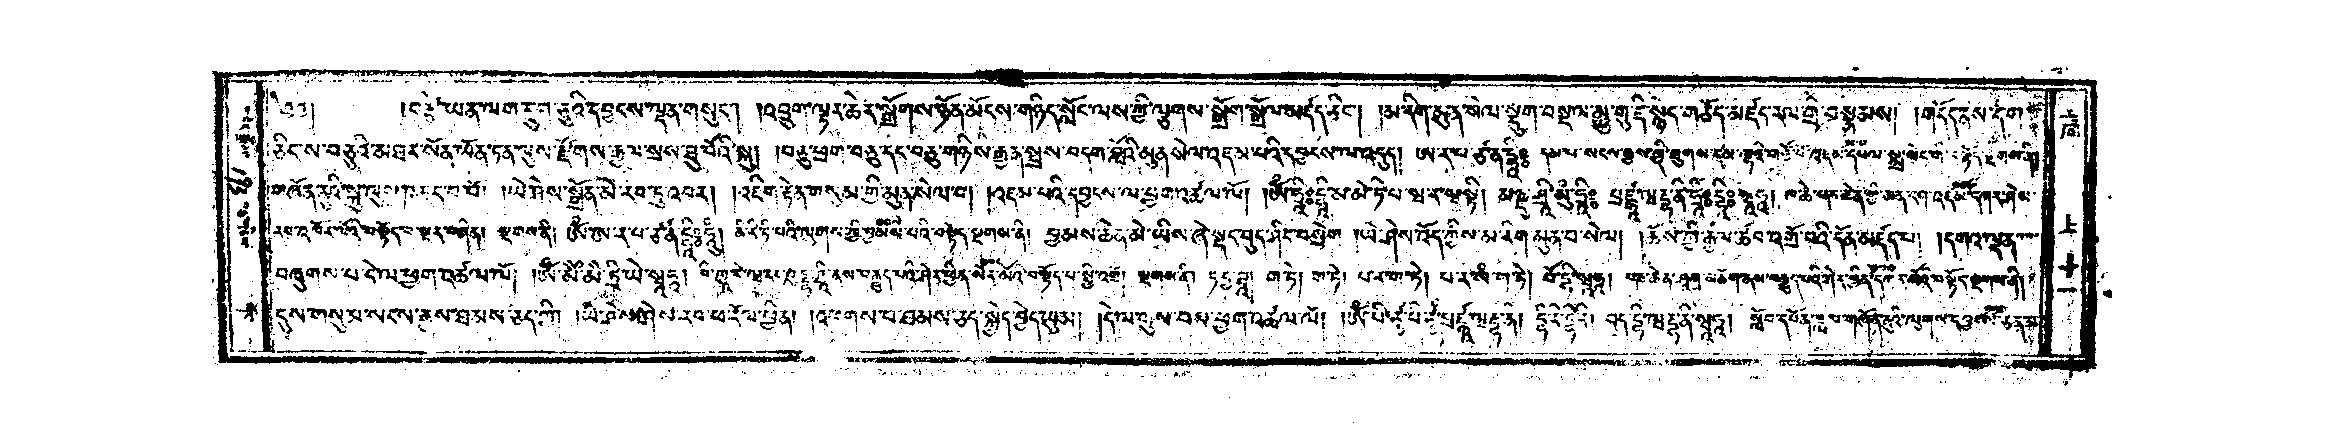༄༅། །བརྩེ་ཡན་ལག་དྲུག་ཅུའི་དབྱངས་ལྡན་གསུང་། །འབྲུག་ལྟར་ཆེར་སྒྲོགས་ཉོན་མོངས་གཉིད་སློང་ལས་ཀྱི་ལྕགས་སྒྲོག་སྒྲོལ་མཛད་ཅིང་། །མ་རིག་མུན་སེལ་སྡུག་བསྔལ་མྱུ་གུ་ཇི་སྙེད་གཅོད་མཛད་རལ་གྲི་བསྣམས། །གདོད་ནས་དག་
ཅིང་ས་བཅུའི་མཐར་སོན་ཡོན་ཏན་ལུས་རྫོགས་རྒྱལ་སྲས་ཐུ་བོའི་སྐུ། །བཅུ་ཕྲག་བཅུ་དང་བཅུ་གཉིས་རྒྱན་སྤྲས་བདག་བློའི་མུན་སེལ་འཇམ་པའི་དབྱངས་ལ་འདུད། ཨ་ར་པ་ཙ་ན་དྷཱིཿ དམ་པ་སངས་རྒྱས་ཀྱི་ཐུགས་དམ་ལྷའི་གཙོ་བོ་འཇམ་དཔལ་སྨྲ་སེང་གི་བསྟོད་སྔགས་ནི།
གཞོན་ནུའི་སྐུ་ལུས་འཆང་བ་པོ། །ཡེ་ཤེས་སྒྲོན་མེ་རབ་ཏུ་འབར། །འཇིག་རྟེན་གསུམ་གྱི་མུན་སེལ་བ། །འཇམ་པའི་དབྱངས་ལ་ཕྱག་འཚལ་ལོ། །ཨོཾ་ཧྲཱིཿདྷཱི་མ་མེ་ཏི་པ་སྭ་ར་སྭསྟི། མཉྫུ་ཤྲཱི་མུཾ་ཧྲཱིཿ པྲཛྙཱ་ཝརྡྷ་ནི་ཧྲཱིཿདྷཱིཿསྭཱཧཱ། ཁ་ཆེ་པཎ་ཆེན་གྱི་མན་ངག་འཇམ ༡༠༦་དཀར་ཤེས་
རབ་འཁོར་ལོའི་བསྟོད་པ་སྔར་བཞིན། སྔགས་ནི། ཨོཾ་ཨ་ར་པ་ཙ་ན་དྷཱིཿཧཱུཾ། ནི་རི་ཏི་བའི་ལུགས་ཀྱི་བྱམས ༡༠༧་པའི་བསྟོད་སྔགས་ནི། བྱམས་ཆེན་མེ་ཡིས་ཞེ་སྡང་བུད་ཤིང་བསྲེག །ཡེ་ཤེས་འོད་ཀྱིས་མ་རིག་མུན་པ་སེལ། །ཆོས་ཀྱི་རྒྱལ་ཚབ་འགྲོ་བའི་དོན་མཛད་པ། །དགའ་ལྡན་
བཞུགས་པ་དེ་ལ་ཕྱག་འཚལ་ལོ། །ཨོཾ་མཻཾ་མཻ་ཏྲི་ཡེ་སྭཱཧཱ། བི་ཁྱཱ་དེ་ཝ་དང་བུདྡྷ་ཤྲཱི་ནས་བརྒྱུད་པའི་ཤེར་ཕྱིན་སོར་མོའི་བསྟོད་པ་སྤྱི་འགྲོ། སྔགས་ནི།  ཏདྱ་ཐཱ། ག་ཏེ། ག་ཏེ། པ་ར་ག་ཏེ། པ་ར་སཾ་ག་ཏེ། བོ་དྷི་སྭཱཧཱ། པཎ་ཆེན་ཤཱཀྱ?་མཆོག་ནས་བརྒྱུད་པའི་ཤེར་ཕྱིན་དཀར ༡༠༩་མོའི་བསྟོད་སྔགས་ནི།
དུས་གསུམ་སངས་རྒྱས་ཐམས་ཅད་ཀྱི། །ཡེ་ཤེས་ཤེས་རབ་ཕ་རོལ་ཕྱིན། །འཕགས་པ་ཐམས་ཅད་སྐྱེད་བྱེད་ཡུམ། །དེ་ལ་གུས་པས་ཕྱག་འཚལ་ལོ། །ཨོཾ་པི་ཙུ་པི་ཙུ་པྲཛྙཱ་ཝརྡྷ་ནི། དྷི་རི་དྷི་རི། བུད་དྷི་ཝརྡྷ་ནི་སྭཱཧཱ། སློབ་དཔོན་ཟླ་བ་གཞོན་ནུའི་ལུགས་དབྱངས ༡༡༠་ཅན་མ